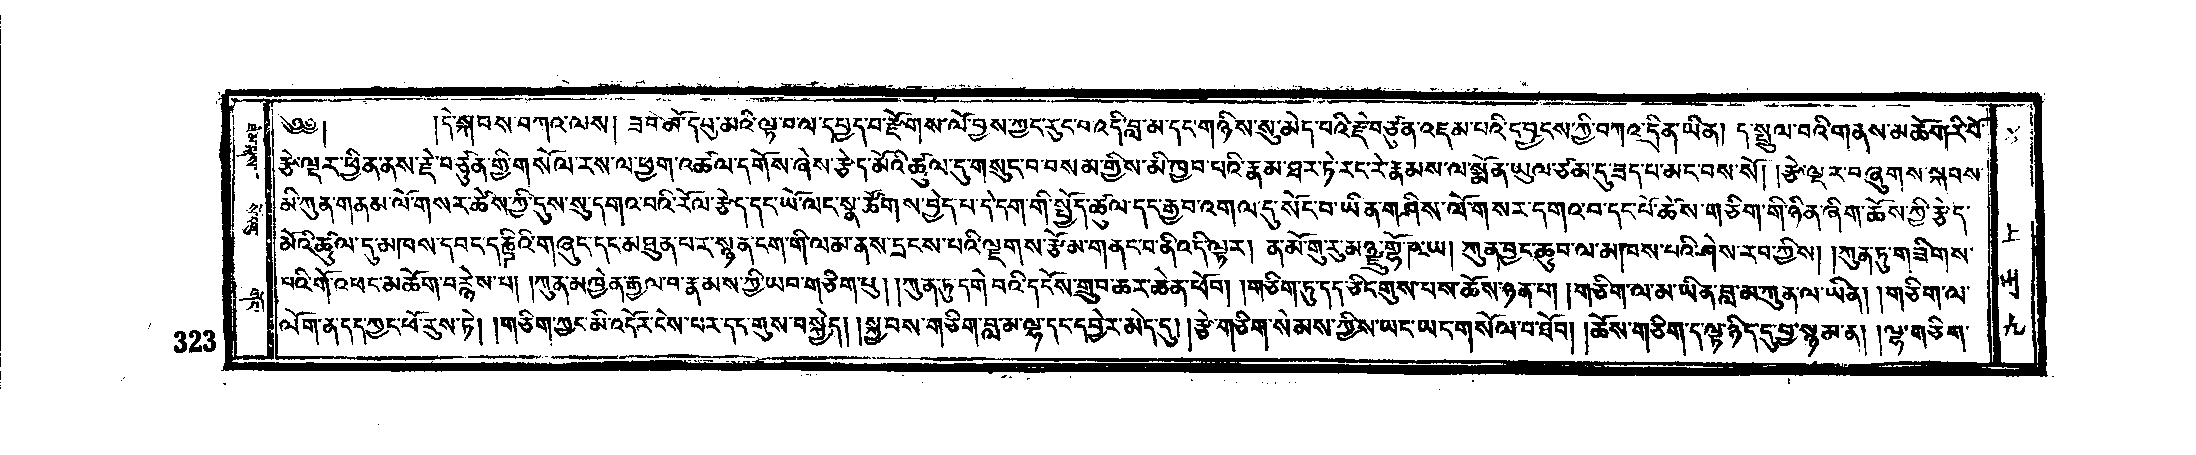༄༅། །དེ་སྐབས་བཀའ་ལས། ཟབ་མོ་དབུ?་མའི་ལྟ་བ་ལ་དཔྱད་པ་རྫོགས་ལོ་བྱས་ཀྱང་རུང་བ་འདི་བླ་མ་དང་གཉིས་སུ་མེད་པའི་རྗེ་བཙུན་འཇམ་པའི་དབྱངས་ཀྱི་བཀའ་དྲིན་ཡིན། ད་སྤྲུལ་བའི་གནས་མཆོག་རི་བོ་
རྩེ་ལྔར?་ཕྱིན་ནས་རྗེ་བཙུན་གྱི་གསོལ་རས་ལ་ཕྱག་འཚལ་དགོས་ཞེས་རྩེད་མོའི་ཚུལ་དུ་གསུང་བ་བསམ་གྱིས་མི་ཁྱབ་པའི་རྣམ་ཐར་ཏེ་རང་རེ་རྣམས་ལ་སྨོན་ཡུལ་ཙམ་དུ་ཟད་པ་མང་བས་སོ། །རྩེ་ལྔར་བཞུགས་སྐབས་
མི་ཀུན་གནམ་ལོ་གསར་ཚེས་ཀྱི་དུས་སུ་དགའ་བའི་རོལ་རྩེད་དང་ཡོ་ལང་སྣ་ཚོགས་བྱེད་པ་དེ་དག་གི་སྤྱོད་ཚུལ་དང་རྒྱབ་འགལ་དུ་སོང་བ་ཡིན་གཤིས་ལོ་གསར་དགའ་བ་དང་པོ་ཚེས་གཅིག་གི་ཉིན་ཞིག་ཆོས་ཀྱི་རྩེད་
མོའི་ཚུལ་དུ་མཁས་དབང་དཎྜིའི་གཞུང་དང་མཐུན་པར་སྙན་ངག་གི་ལམ་ནས་དྲངས་པའི་ལྗགས་རྩོམ་གནང་བ་ནི་འདི་ལྟར། ན་མོ་གུ་རུ་མཉྫུ་གྷོ་ཥ་ཡ། ཀུན་བྱང་ཆུབ་ལ་མཁས་པའི་ཤེས་རབ་ཀྱིས། །ཀུན་ཏུ་གཟིགས་
པའི་གོ་འཕང་མཆོག་བརྙེས་པ། །ཀུན་མཁྱེན་རྒྱལ་བ་རྣམས་ཀྱི་ཡབ་གཅིག་པུ། །ཀུན་ཏུ་དགེ་བའི་དངོས་གྲུབ་ཆར་ཆེན་ཕོབ། །གཅིག་ཏུ་དད་ཅིང་གུས་པས་ཆོས་ཉན་པ། །གཅིག་ལ་མ་ཡིན་བླ་མ་ཀུན་ལ་ཡིན། །གཅིག་ལ་
ལོག་ན་དད་ཀྱང་ཕོ་རུས་ཏེ། །གཅིག་ཀྱང་མི་འདོར་ངེས་པར་དད་གུས་བསྐྱེད། །སྐྱབས་གཅིག་བླ་མ་ལྷ་དང་དབྱེར་མེད་དུ། །རྩེ་གཅིག་སེམས་ཀྱིས་ཡང་ཡང་གསོལ་བ་ཐོབ། །ཆོས་གཅིག་ད་ལྟ་ཉིད་དུ་བྱ་སྙམ་ན། །ལྷ་གཅིག་